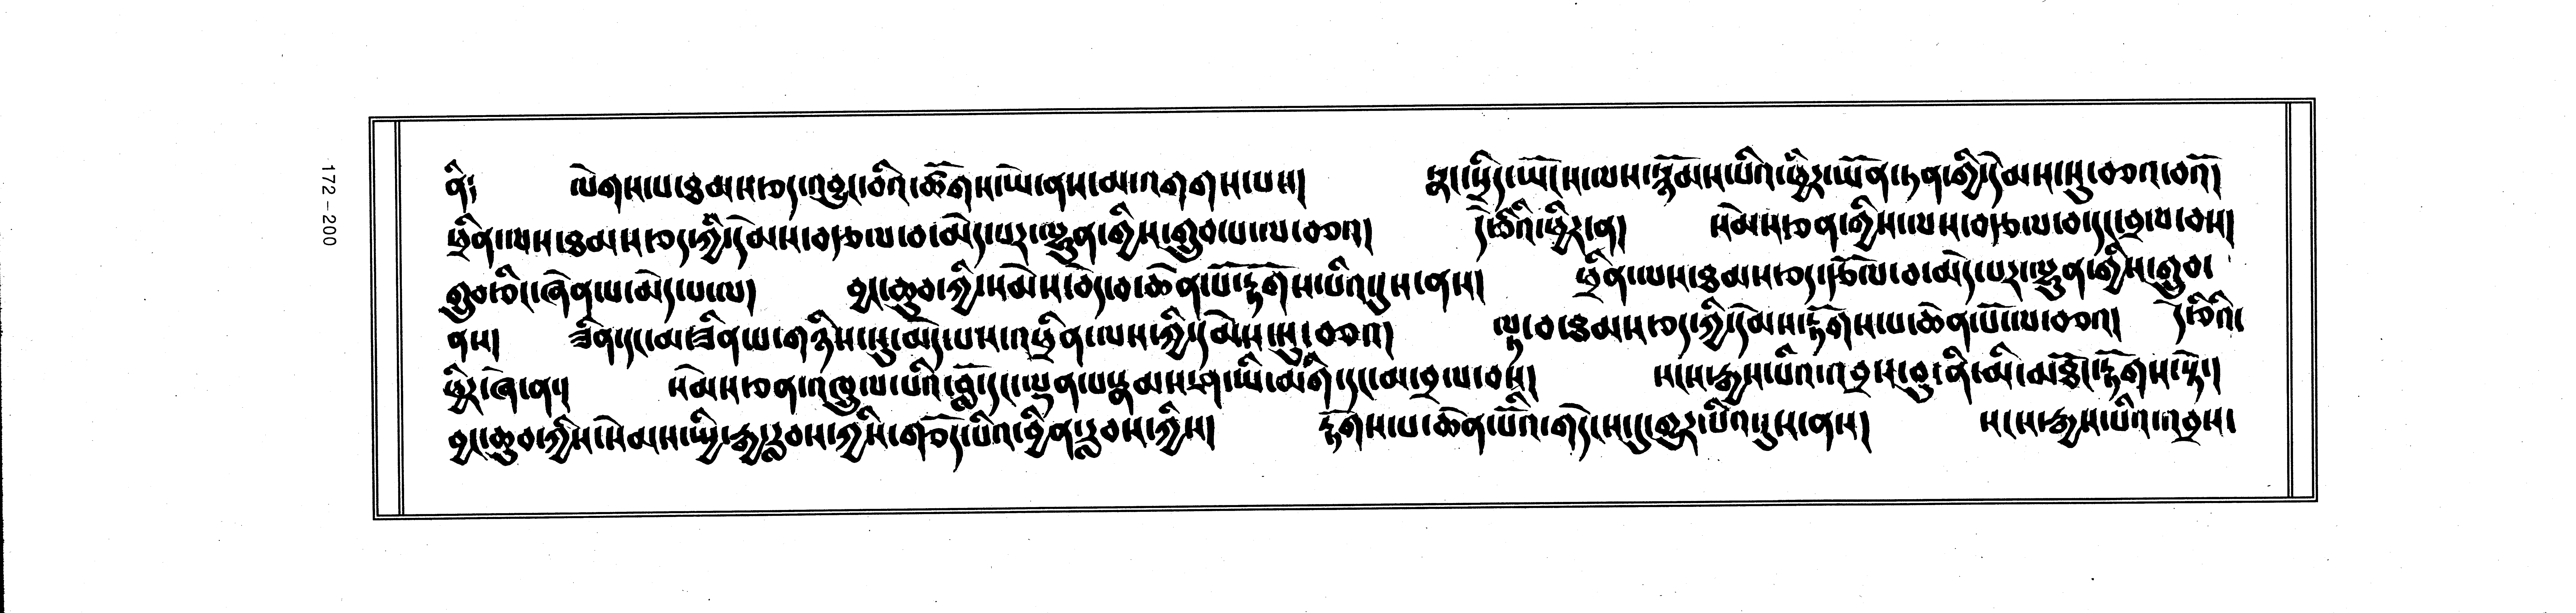ནི། ལེགས་པ་ཐམས་ཅད་འབྱུང་བའི་ཚོགས་ཡེ་ནས་མ་འགགས་པས། སྣང་སྲིད་ཡོངས་ལས་སྙོམས་པའི་ཕྱིར་ཡོན་ཏན་གྱི་དེམ་སུ་བཅའ་བའོ། 
ཕྲིན་ལས་ཐམས་ཅད་ཀྱི་དེམ་བརྩལ་བ་མེད་པར་ལྷུན་གྱིས་གྲུབ་པ་ལ་བཅའ། དེ་ཅིའི་ཕྱིར་ན། སེམས་ཅན་གྱིས་ལས་བརྩལ་བ་དང་བྲལ་བས། 
གྲུབ་ཅིང་ཞེན་པ་མེད་པ་ལ། བྱང་ཆུབ་ཀྱིས་སེམས་བདེ་བ་ཆེན་པོ་རྟོགས་པའི་དུས་ནས། ཕྲིན་ལས་ཐམས་ཅད་རྩོལ་བ་མེད་པར་ལྷུན་གྱིས་གྲུབ་
ནས། ཟིན་དང་མ་ཟིན་པ་གཉིས་སུ་མེད་པས་འཕྲིན་ལས་ཀྱི་དེམ་སུ་བཅའ། ལྟ་བ་ཐམས་ཅད་ཀྱི་དེམ་རྟོགས་པ་ཆེན་པོ་ལ་བཅའ། དེ་ཅིའི་
ཕྱིར་ཞེ་ན། སེམས་ཅན་འཁྲུལ་པའི་བློ་དང་ལྡན་པ་རྣམས་ཤ་ཡི་མིག་དང་མ་བྲལ་བསྭ། སངས་རྒྱས་པའི་འབྲས་བུ་ནི་མི་རྟོགས་སྟེ།
 བྱང་ཆུབ་ཀྱིས་སེམས་སྤྱི་རྒྱ་རླབས་ཀྱིས་གཅོད་པའི་བྱིན་རླབས་ཀྱིས། རྟོགས་པ་ཆེན་པོའི་གདེང་དུ་གྱུར་པའི་དུས་ནས། སངས་རྒྱས་པའི་འབྲས་